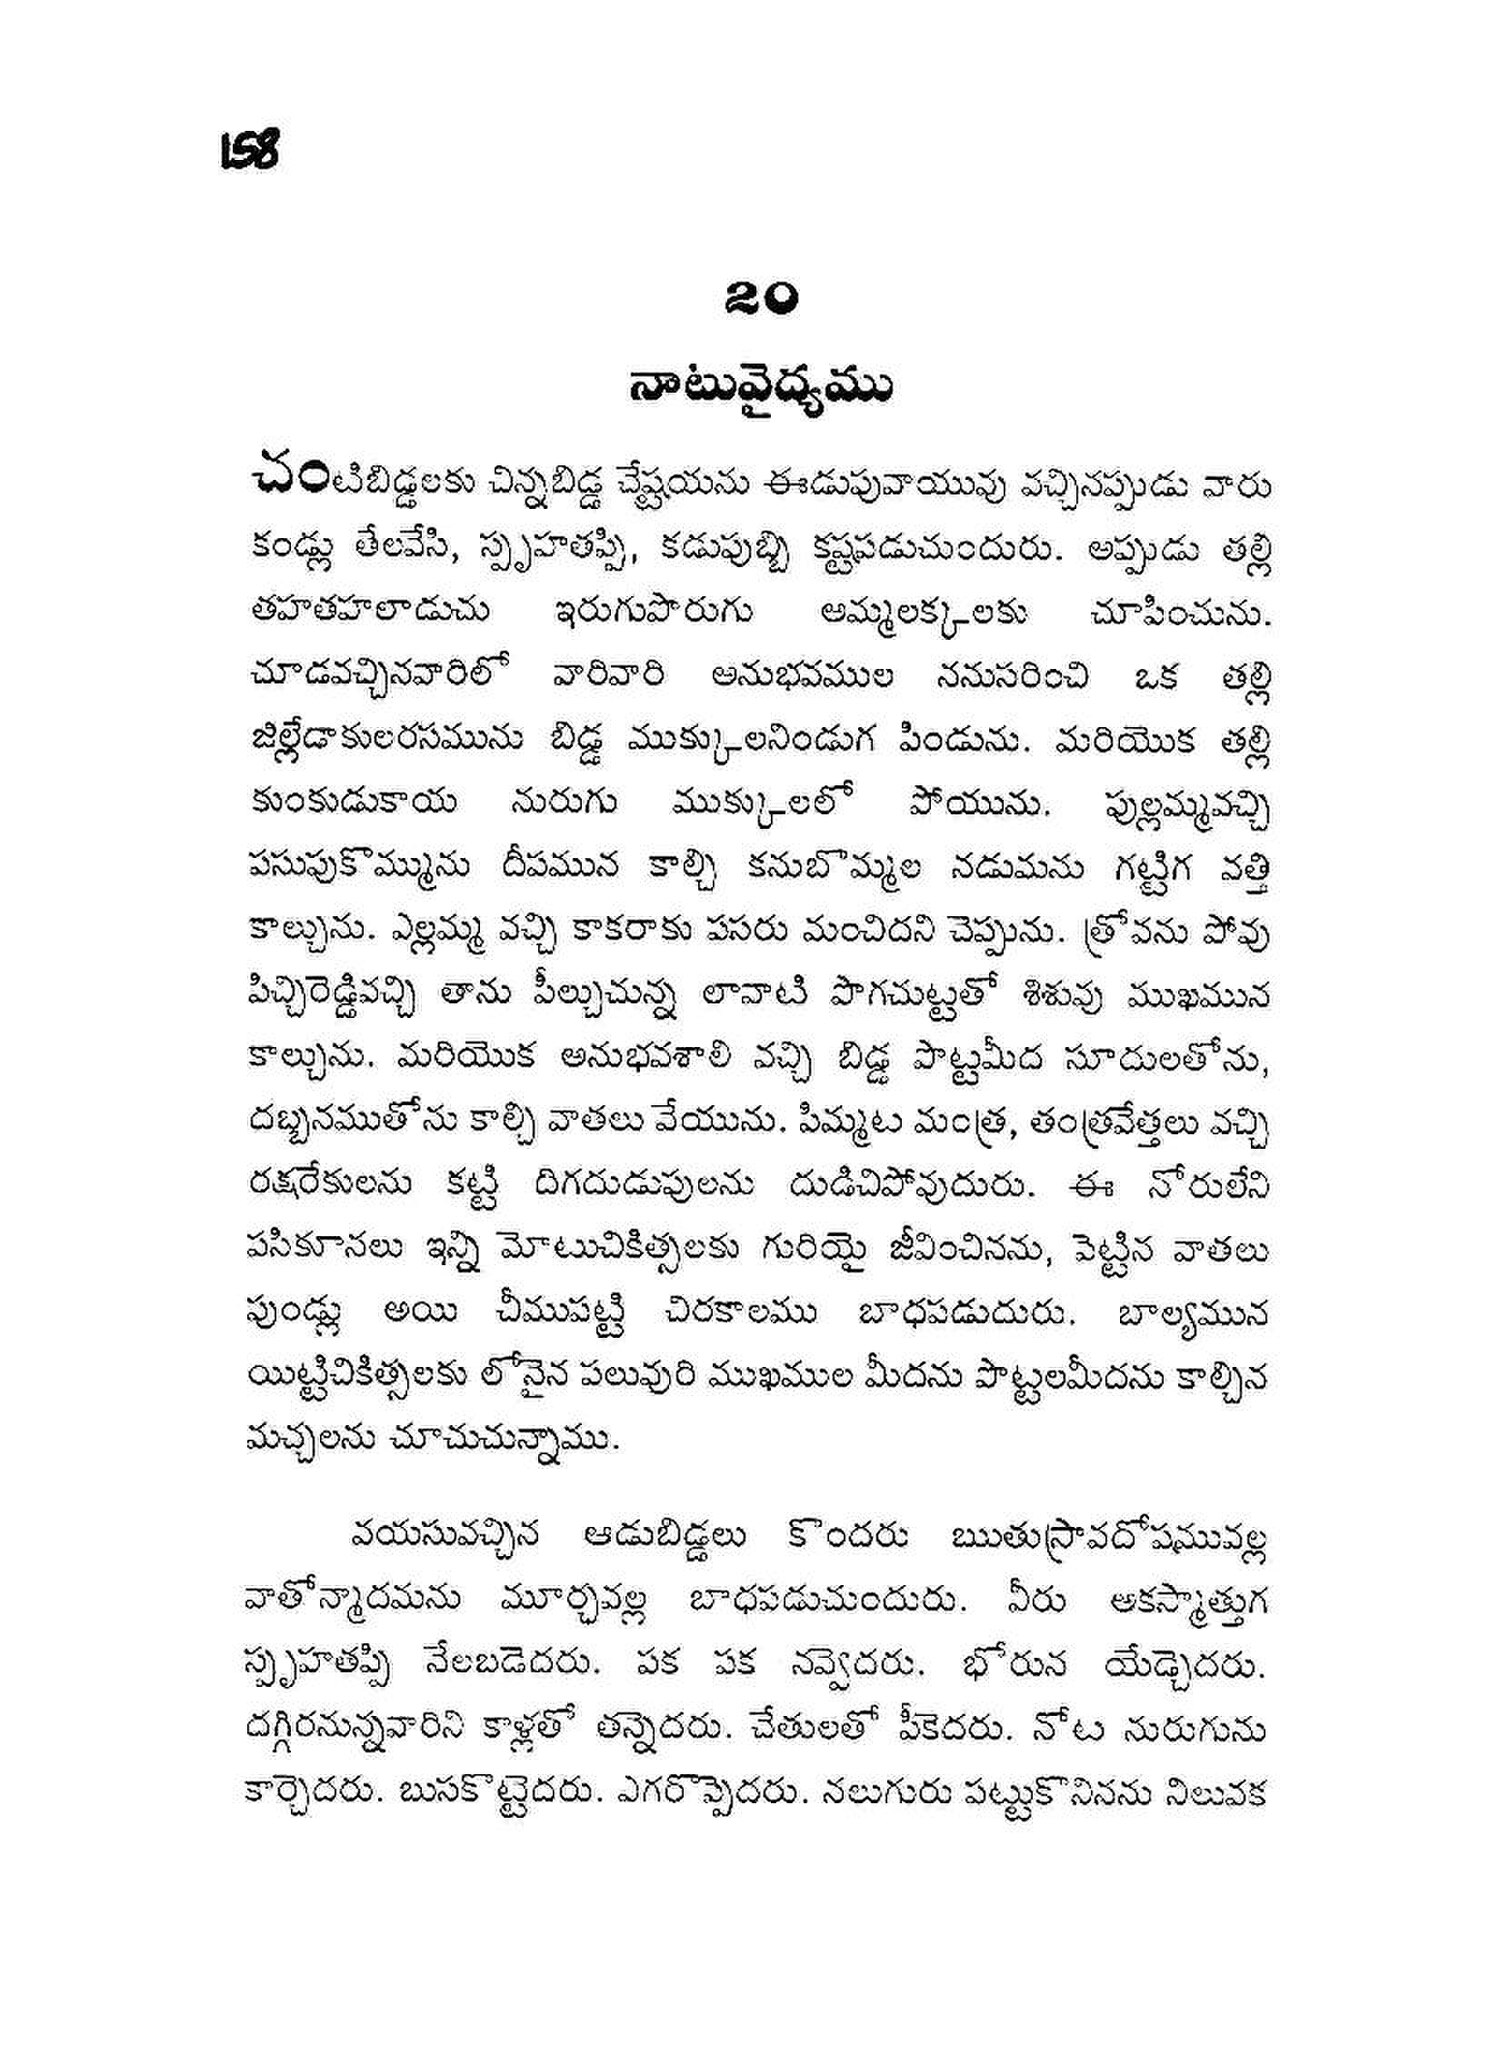చంటిబిడ్డలకు చిన్నబిడ్డచేష్టయను ఈడుపువాయువు వచ్చినప్పుడు వారు కండ్లు తేలవేసి, స్పృహతప్పి, కడుపుబ్బి కష్టపడుచుందురు. అప్పుడు తల్లి తహతహలాడుచు ఇరుగుపొరుగు అమ్మలక్కలకు చూపించును. చూడవచ్చినవారిలో వారివారి అనుభవముల ననుసరించి ఒక తల్లి జిల్లేడాకులరసమును బిడ్డ ముక్కులనిండుగ పిండును. మరియొక తల్లి కుంకుడుకాయ నురుగు ముక్కులలో పోయును. పుల్లమ్మవచ్చి పసుపుకొమ్మును దీపమున కాల్చి కనుబొమ్మల నడుమను గట్టిగ వత్తి కాల్చును. ఎల్లమ్మ వచ్చి కాకరాకు పసరు మంచిదని చెప్పును. త్రోవను పోవు పిచ్చిరెడ్డివచ్చి తాను పీల్చుచున్న లావాటి పొగచుట్టతో శిశువు ముఖమున కాల్చును. మరియొక అనుభవశాలి వచ్చి బిడ్డ పొట్టమీద సూదులతోను, దబ్బనముతోను కాల్చి వాతలు వేయును. పిమ్మట మంత్ర, తంత్రవేత్తలు వచ్చి రక్షరేకులను కట్టి దిగదుడుపులను దుడిచిపోవుదురు. ఈ నోరులేని పసికూనలు ఇన్ని మోటుచికిత్సలకు గురియై జీవించినను, పెట్టిన వాతలు పుండ్లు అయి చీముపట్టి చిరకాలము బాధపడుదురు. బాల్యమున యిట్టిచికిత్సలకు లోనైన పలువురి ముఖముల మీదను పొట్టలమీదను కాల్చిన మచ్చలను చూచుచున్నాము.

వయసువచ్చిన ఆడుబిడ్డలు కొందరు ఋతుస్రావదోషమువల్ల వాతోన్మాదమను మూర్చవల్ల బాధపడుచుందురు. వీరు అకస్మాత్తుగ స్పృహతప్పి నేలబడెదరు. పక పక నవ్వెదరు. భోరున యేడ్చెదరు. దగ్గిరనున్నవారిని కాళ్లతో తన్నెదరు. చేతులతో పీకెదరు. నోట నురుగును కార్చెదరు. బుసకొట్టెదరు. ఎగరొప్పెదరు. నలుగురు పట్టుకొనినను నిలువక